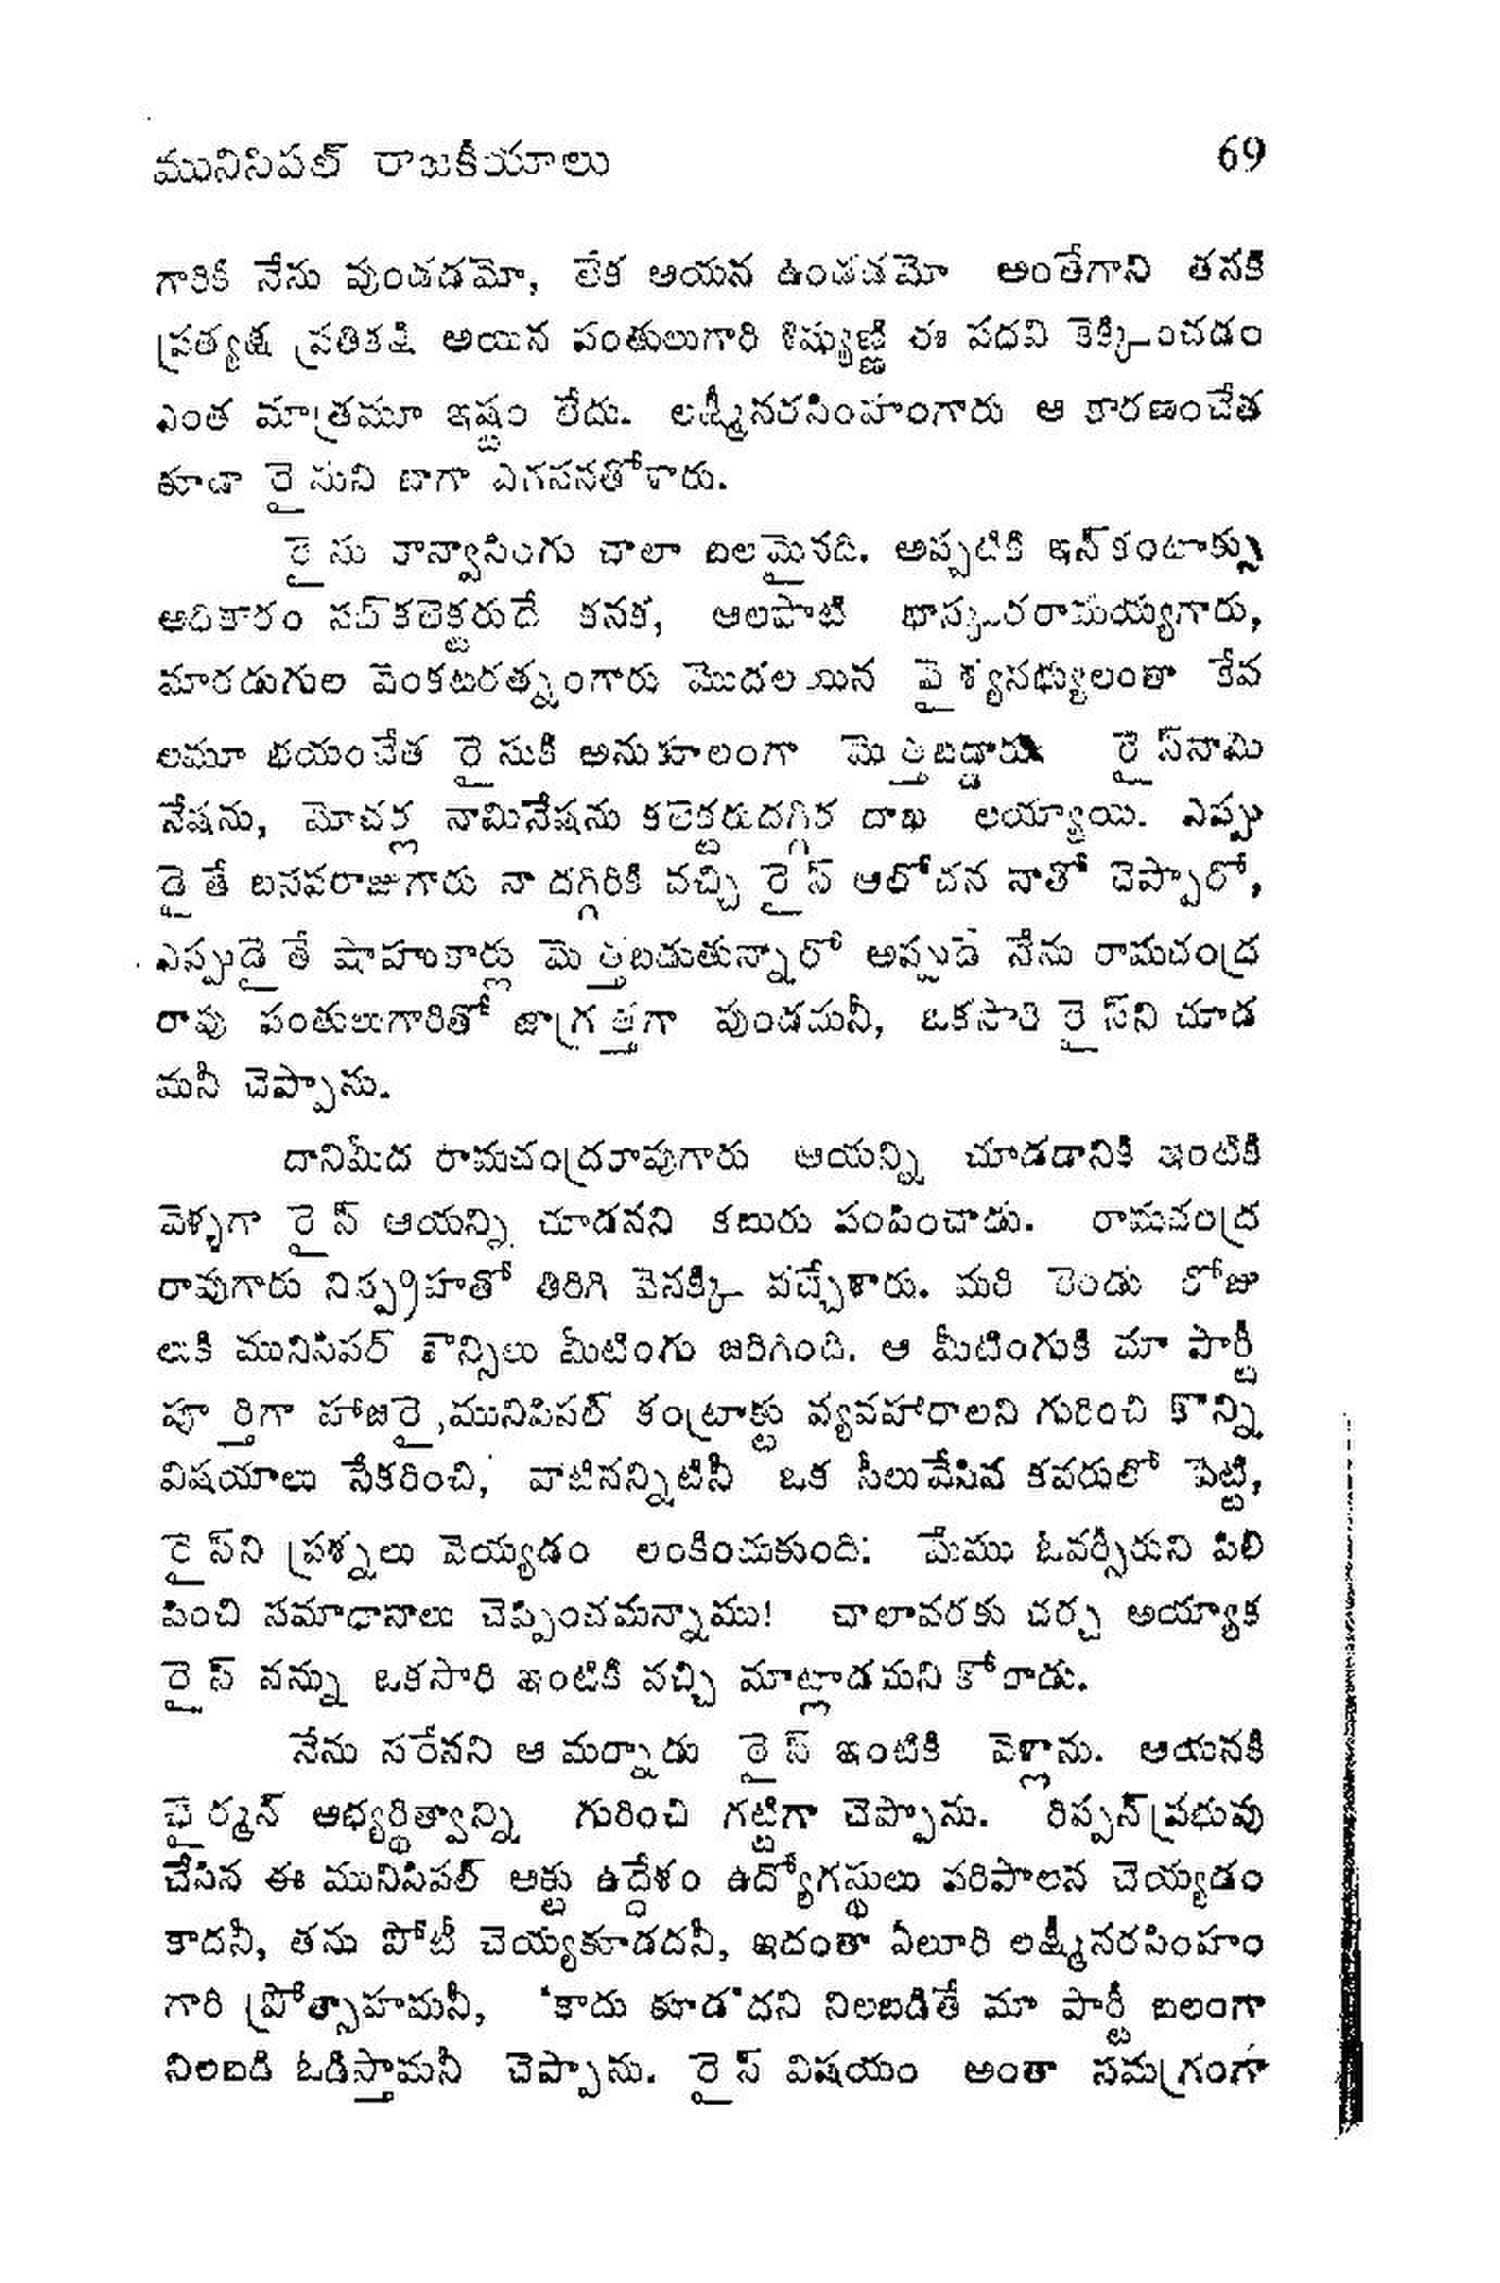గారికి నేను వుండడమో, లేక ఆయన ఉండడమో అంతేగాని తనకి ప్రత్యక్ష ప్రతికక్షి అయిన పంతులుగారి శిష్యుణ్ణి ఈ పదవి కెక్కించడం ఎంత మాత్రమూ ఇష్టం లేదు. లక్ష్మీనరసింహంగారు ఆ కారణంచేత కూడా రైసుని బాగా ఎగసనతోశారు.

రైసు కాన్వాసింగు చాలా బలమైనది. అప్పటికి ఇన్ కంటాక్సు అధికారం సబ్ కలెక్టరుదే కనక, ఆలపాటి భాస్కరరామయ్యగారు, మారడుగుల వెంకటరత్నంగారు మొదలయిన వైశ్యసభ్యులంతా కేవలమూ భయంచేత రైసుకి అనుకూలంగా మెత్తబడ్డారు. రైస్ నామినేషను, మోచర్ల నామినేషను కలెక్టరు దగ్గిర దాఖ లయ్యాయి. ఎప్పడైతే బసవరాజు గారు నా దగ్గిరికి వచ్చి రైస్ ఆలోచన నాతో చెప్పారో, ఎప్పుడైతే షాహుకార్లు మెత్తబడు తున్నారో అప్పడే నేను రామచంద్రరావు పంతులుగారితో జాగ్రత్తగా పుండమనీ, ఒకసారి రైస్ ని చూడ మనీ చెప్పాను. దానిమీద రామచంద్రరావుగారు ఆయన్ని చూడడానికి ఇంటికి వెళ్ళగా రైస్ ఆయన్ని చూడనని కబురు పంపించాడు. రామచంద్ర రావుగారు నిస్పృహతో తిరిగి వెనక్కి వచ్చేశారు. మరి రెండు రోజులకి మునిసిపల్ కౌన్సిలు మీటింగు జరిగింది. ఆ మీటింగుకి మా పార్టీ పూర్తిగా హాజరై మునిపిపల్ కంట్రాక్టు వ్యవహారాలని గురించి కొన్ని విషయాలు సేకరించి, వాటినన్నిటినీ ఒక సీలు వేసిన కవరులో పెట్టి, రైస్ ని ప్రశ్నలు వెయ్యడం లంకించుకుంది: మేము ఓవర్సీరుని పిలిపించి సమాధానాలు చెప్పించమన్నాము! చాలావరకు చర్చ అయ్యాక రైస్ నన్ను ఒకసారి ఇంటికి వచ్చి మాట్లాడమని కోరారు. నేను సరేనని ఆ మర్నారు రైస్ ఇంటికి వెళ్లాను. ఆయనకి ఛైర్మన్ అభ్యర్ధిత్వాన్ని గురించి గట్టిగా చెప్పొను. "రిప్పన్ ప్రభువు చేసిన ఈ మునిసిపల్ ఆక్టు ఉద్దేశం ఉద్యోగస్థులు పరిపాలన చెయ్యడం కాదనీ, తను పోటీ చెయ్యకూడదనీ, ఇదంతా ఏలూరి లక్ష్మీనరసింహం గారి ప్రోత్సాహమనీ, 'కాదు కూడదని' నిలబడితే మా పార్టీ బలంగా నిలబడి ఓడిస్తామనీ చెప్పాను. రైస్ విషయం అంతా సమగ్రంగా